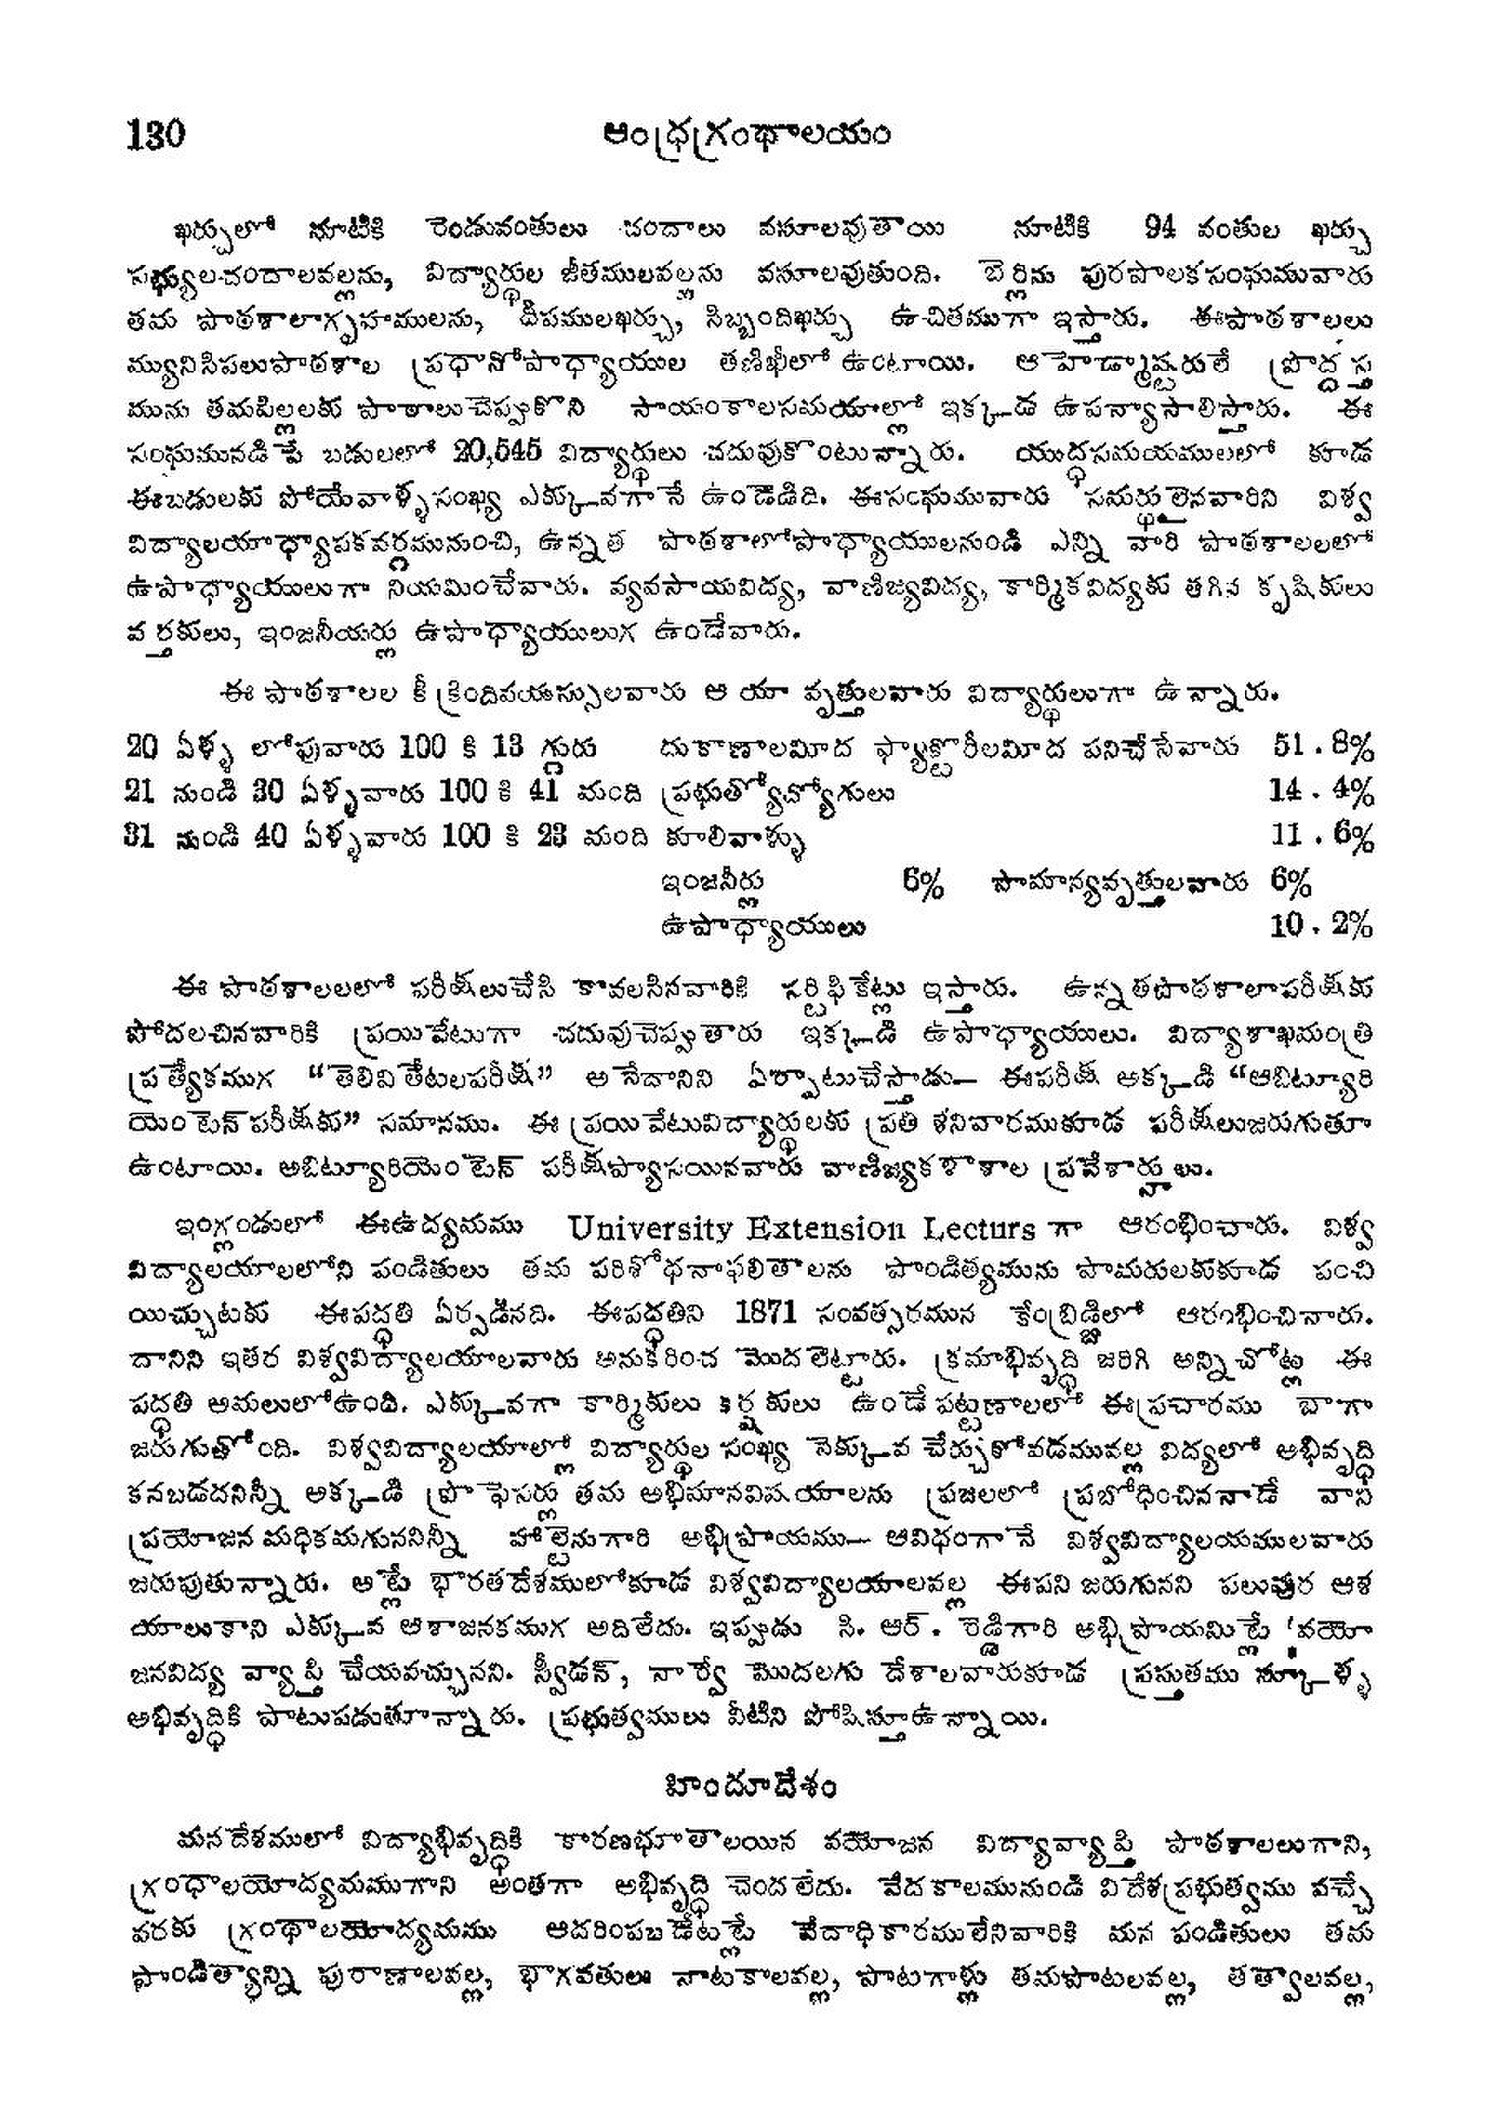ఖర్చులో నూటికి రెండువంతులు రెండువంతులు చందాలు వసూలవుతాయి నూటికి 94 వంతుల ఖర్చు సభ్యులచందాలవల్లను, 
విద్యార్ధుల జీతములవల్లను వసూలవుతుంది. బెర్లిను పురపాలక సంఘమువారు తమ పాఠశాలాగృహములను, దీపముల ఖర్చు, 
సిబ్బంది ఖర్చు ఉచితముగా ఇస్తారు. ఈపాఠశాలలు మ్యునిసిపలు పాఠశాల ప్రధానోపాధ్యాయుల తణిఖీలో ఉంటాయి. 
ఆహెడ్మాష్టరులే ప్రొద్దస్తమును తమపిలలకు పాఠాలు చెప్పుకొని సాయంకాల సమయాల్లో ఇక్కడ ఉపన్యాసాలిస్తారు. ఈ
సంఘమునడి పే బడులలో 20,545 విద్యార్థులు చదువుకొంటున్నారు. యుద్ధసమయములలో కూడ ఈబడులకు పోయేవాళ్ళసంఖ్య ఎక్కువగానే ఉండెడిది. ఈ సంఘమువారు సమర్థులైనవారిని విశ్వవిద్యాలయాధ్యాపక వర్గమునుంచి, ఉన్నత పాఠశాలోపాధ్యాయుల
నుండి ఎన్ని వారి పాఠశాలలలో ఉపాధ్యాయులుగా నియమించేవారు. వ్యవసాయవిద్య, వాణిజ్యవిద్య, కార్మికవిద్యకు తగిన 
కృషికులు వర్తకులు, ఇంజనీయర్లు ఉపాధ్యాయులుగ ఉండేవారు.

ఈ పాఠశాలలకీ క్రిందివయస్సులవారు ఆయా వృత్తులవారు విద్యార్థులుగా ఉన్నారు.
20 ఏళ్ళ లోపువారు 100కి 13 గురుదుకాణాలమీద ఫ్యాక్టరీలమీద పనిచేసేవారు 51.8%
21 నుండి 30 ఏళ్ళవారు 100కి 41మంది ప్రభుత్యోద్యోగులు 14.4%
31 నుండి 40 ఏళ్ళవారు 100కి 23మంది కూలివాళ్ళు 11.6% ఇంజనీరు 6% ఉపాధ్యాయులు 10.2% సామాన్యవృత్తులవారు 6%
ఈ పాఠశాలలలో పరీక్షలుచేసి కావలసినవారికి సర్టిఫికేట్లు ఇస్తారు. ఉన్నతపాఠశాలా పరీక్షకు పోదలచినవారికి ప్రయివేటుగా చదువు చెప్పుతారు ఇక్కడి ఉపాధ్యాయులు. విద్యాశాఖమంత్రి ప్రత్యేకముగ “ తెలివి తేటలపరీక్ష" అనేదానిని ఏర్పాటుచేస్తాడు. ఈపరీక్ష 
అక్కడి "ఆబిట్యూరి యెంటెన్ పరీక్షకు సమానము. ఈ ప్రయివేటువిద్యార్థులకు ప్రతి శనివారముకూడ పరీక్షలు జరుగుతూ
ఉంటాయి. అబిట్యూరియెంటెన్ పరీక్ష ప్యాసయిన వారు వాణిజ్యకళాశాల ప్రవేశార్హులు.

ఇంగ్లండులో ఈఉద్యమము University Extension Lectures గా ఆరంభించారు. విశ్వవిద్యాలయాలలోని పండితులు తమ 
పరిశోధనా ఫలితాలను పాండిత్యమును పామరులకుకూడ పంచి యిచ్చుటకు ఈ పద్దతి ఏర్పడినది. ఈపద్దతిని 1871 
సంవత్సరమున కేంబ్రిడ్జిలో ఆరంభించినారు. దానిని ఇతర విశ్వవిద్యాలయాలవారు అనుకరించ మొదలెట్టారు. క్రమాభివృద్ధి 
జరిగి అన్ని చోట్ల ఈ పద్ధతి అమలులో ఉంది. ఎక్కువగా కార్మికులు ర్షకులు ఉండే పట్టణాలలో ఈప్రచారము బాగా
జరుగుతోంది. విశ్వవిద్యాలయాల్లో విద్యార్థుల సంఖ్య నెక్కువ చేర్చుకోవడము వల్ల విద్యలో అభివృద్ధి కనబడదనిన్నీ అక్కడి 
ప్రొఫెసర్లు తమ అభిమాన విషయాలను ప్రజలలో ప్రబోధించిననాడే వాని ప్రయోజన మధికమగుననిన్నీ హాట్టెనుగారి 
అభిప్రాయము - ఆవిధంగానే విశ్వవిద్యాలయముల వారు జరుపుతున్నారు. అట్లే భారతదేశములో కూడ విశ్వవిద్యాలయాలవల్ల 
ఈ పని జరుగునని పలువురు ఆశయాలుకాని ఎక్కువ ఆశాజనకముగ అదిలేదు. ఇప్పుడు సి.ఆర్.రెడ్డిగారి అభిప్రాయమిట్లే 
'వయోజనవిద్య వ్యాప్తి చేయవచ్చునని. స్వీడ౯, నార్వే మొదలగు దేశాలవారుకూడ ప్రస్తుతము స్కూళ్ళ అభివృద్ధికి 
పాటుపడుతూన్నారు. ప్రభుత్వములు వీటిని పోషిస్తూఉన్నాయి.

మన దేశములో విద్యాభివృద్ధికి కారణభూతాలయిన వయోజన విద్యావ్యాప్తి పాఠశాలలుగాని, గ్రంధాలయోద్యమముగాని అంతగా 
అభివృద్ధి చెందలేదు. వేదకాలమునుండి విదేశప్రభుత్వము వచ్చేవరకు గ్రంథాలయోద్యమము ఆదరింపబడేటటే వేదాధికారము 
లేనివారికి మన పండితులు తమ సాండిత్యాన్ని పురాణాలవల్ల, భాగవతులు నాటకాలవల్ల, పాటగాళ్లు తమపాటలవల్ల, తత్వాలవల్ల,